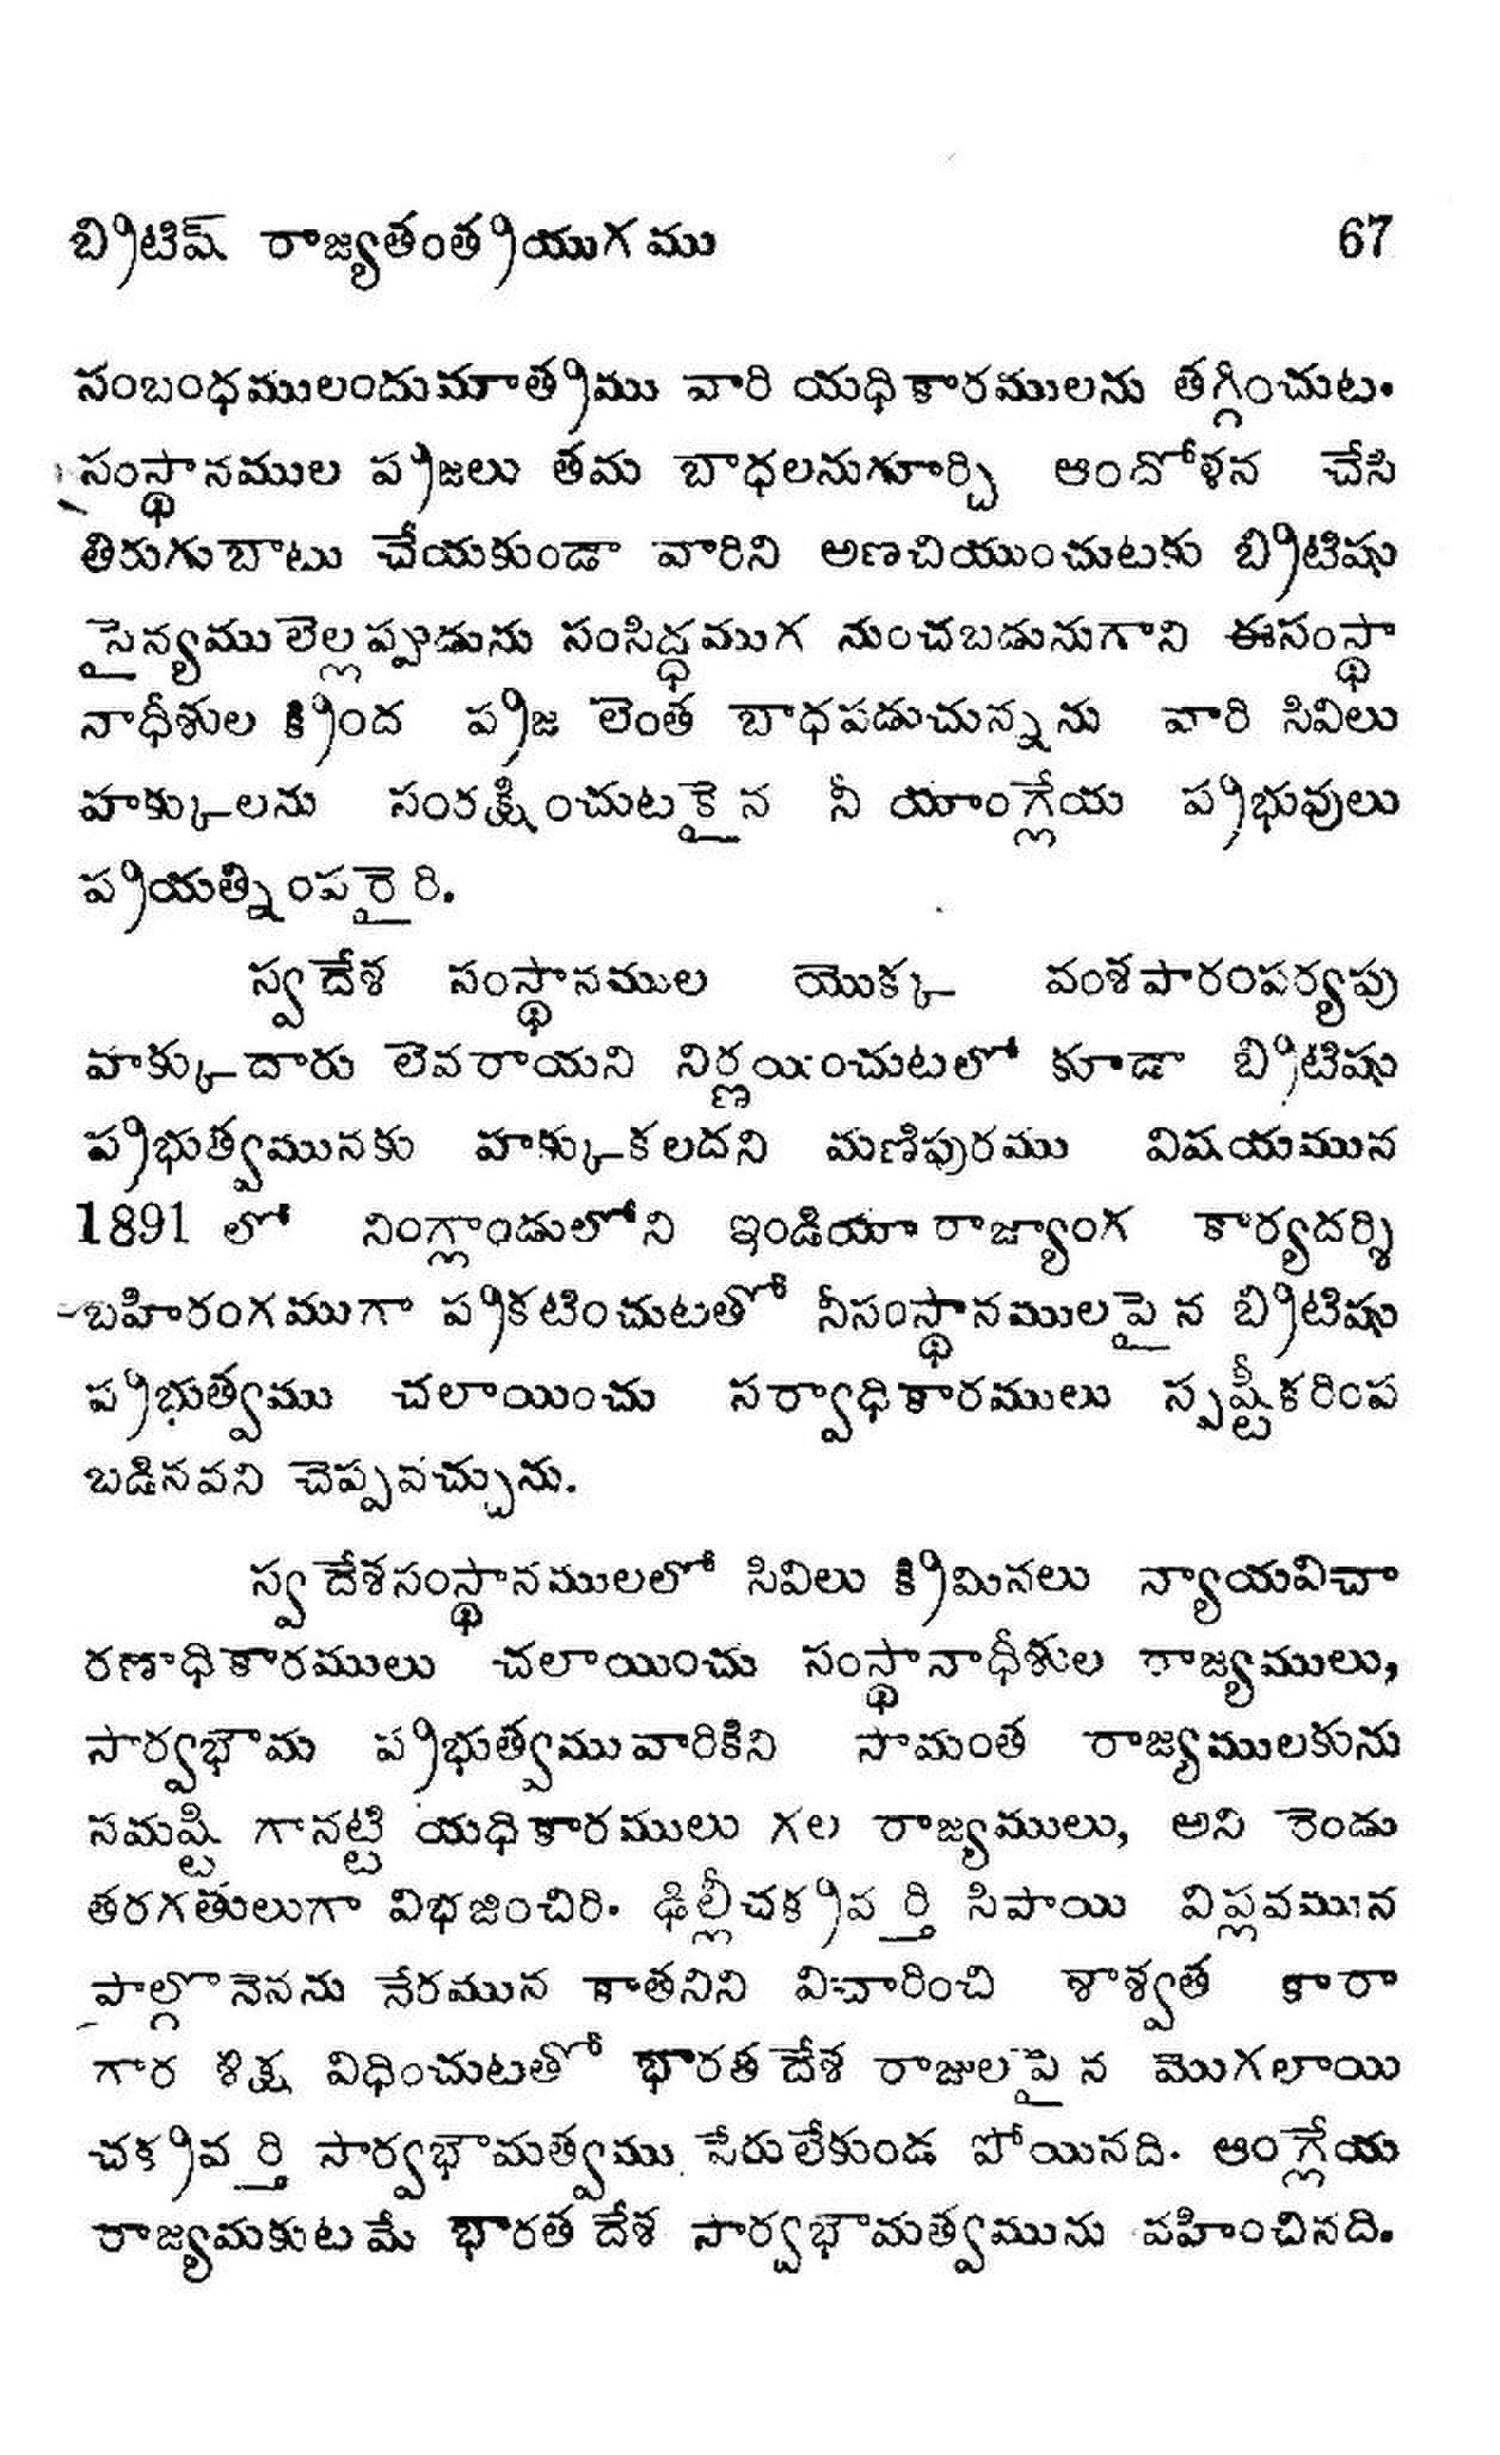సంబంధములందుమాత్రము వారి యధికారములను తగ్గించుట, సంస్థానముల ప్రజలు తమ బాధలనుగూర్చి ఆందోళన చేసి తిరుగుబాటు చేయకుండా వారిని అణచియుంచుటకు బ్రిటిషు సైన్యములెల్లప్పుడును సంసిద్ధముగ నుంచబడునుగాని ఈసంస్థానాధీశుల క్రింద ప్రజ లెంత బాధపడుచున్నను వారి సివిలు హక్కులను సంరక్షించుటకైన నీ యూంగ్లేయ ప్రభువులు ప్రయత్నింపరైరి.

స్వదేశ సంస్థానముల యొక్క వంశపారంపర్యపు హక్కుదారు లెవరాయని నిర్ణయించుటలో కూడా బ్రిటిషు ప్రభుత్వమునకు హక్కుకలదని మణిపురము విషయమున 1891 లో నింగ్లాండులోని ఇండియా రాజ్యాంగ కార్యదర్శి - బహిరంగముగా ప్రకటించుటతో నీసంస్థానములపైన బ్రిటిషు ప్రభుత్వము చలాయించు సర్వాధికారములు స్పష్టీకరింప బడినవని చెప్పవచ్చును.

స్వదేశసంస్థానములలో సివిలు క్రిమినలు న్యాయవిచారణధికారములు చలాయించు సంస్థానాధీశుల రాజ్యములు, సార్వభౌమ ప్రభుత్వమువారికిని సామంత రాజ్యములకును సమష్టి గానట్టి యధికారములు గల రాజ్యములు, అని రెండు తరగతులుగా విభజించిరి. ఢిల్లీచక్రవర్తి సిపాయి విప్లవమున పాల్గొనెనను నేరమున కాతనిని విచారించి శాశ్వత కారాగార శిక్ష విధించుటతో భారతదేశ రాజులపైన మొగలాయి చక్రవర్తి సార్వభౌమత్వము పేరులేకుండ పోయినది. ఆంగ్లేయ రాజ్యమకుటమే భారతదేశ సార్వభౌమత్వమును వహించినది.